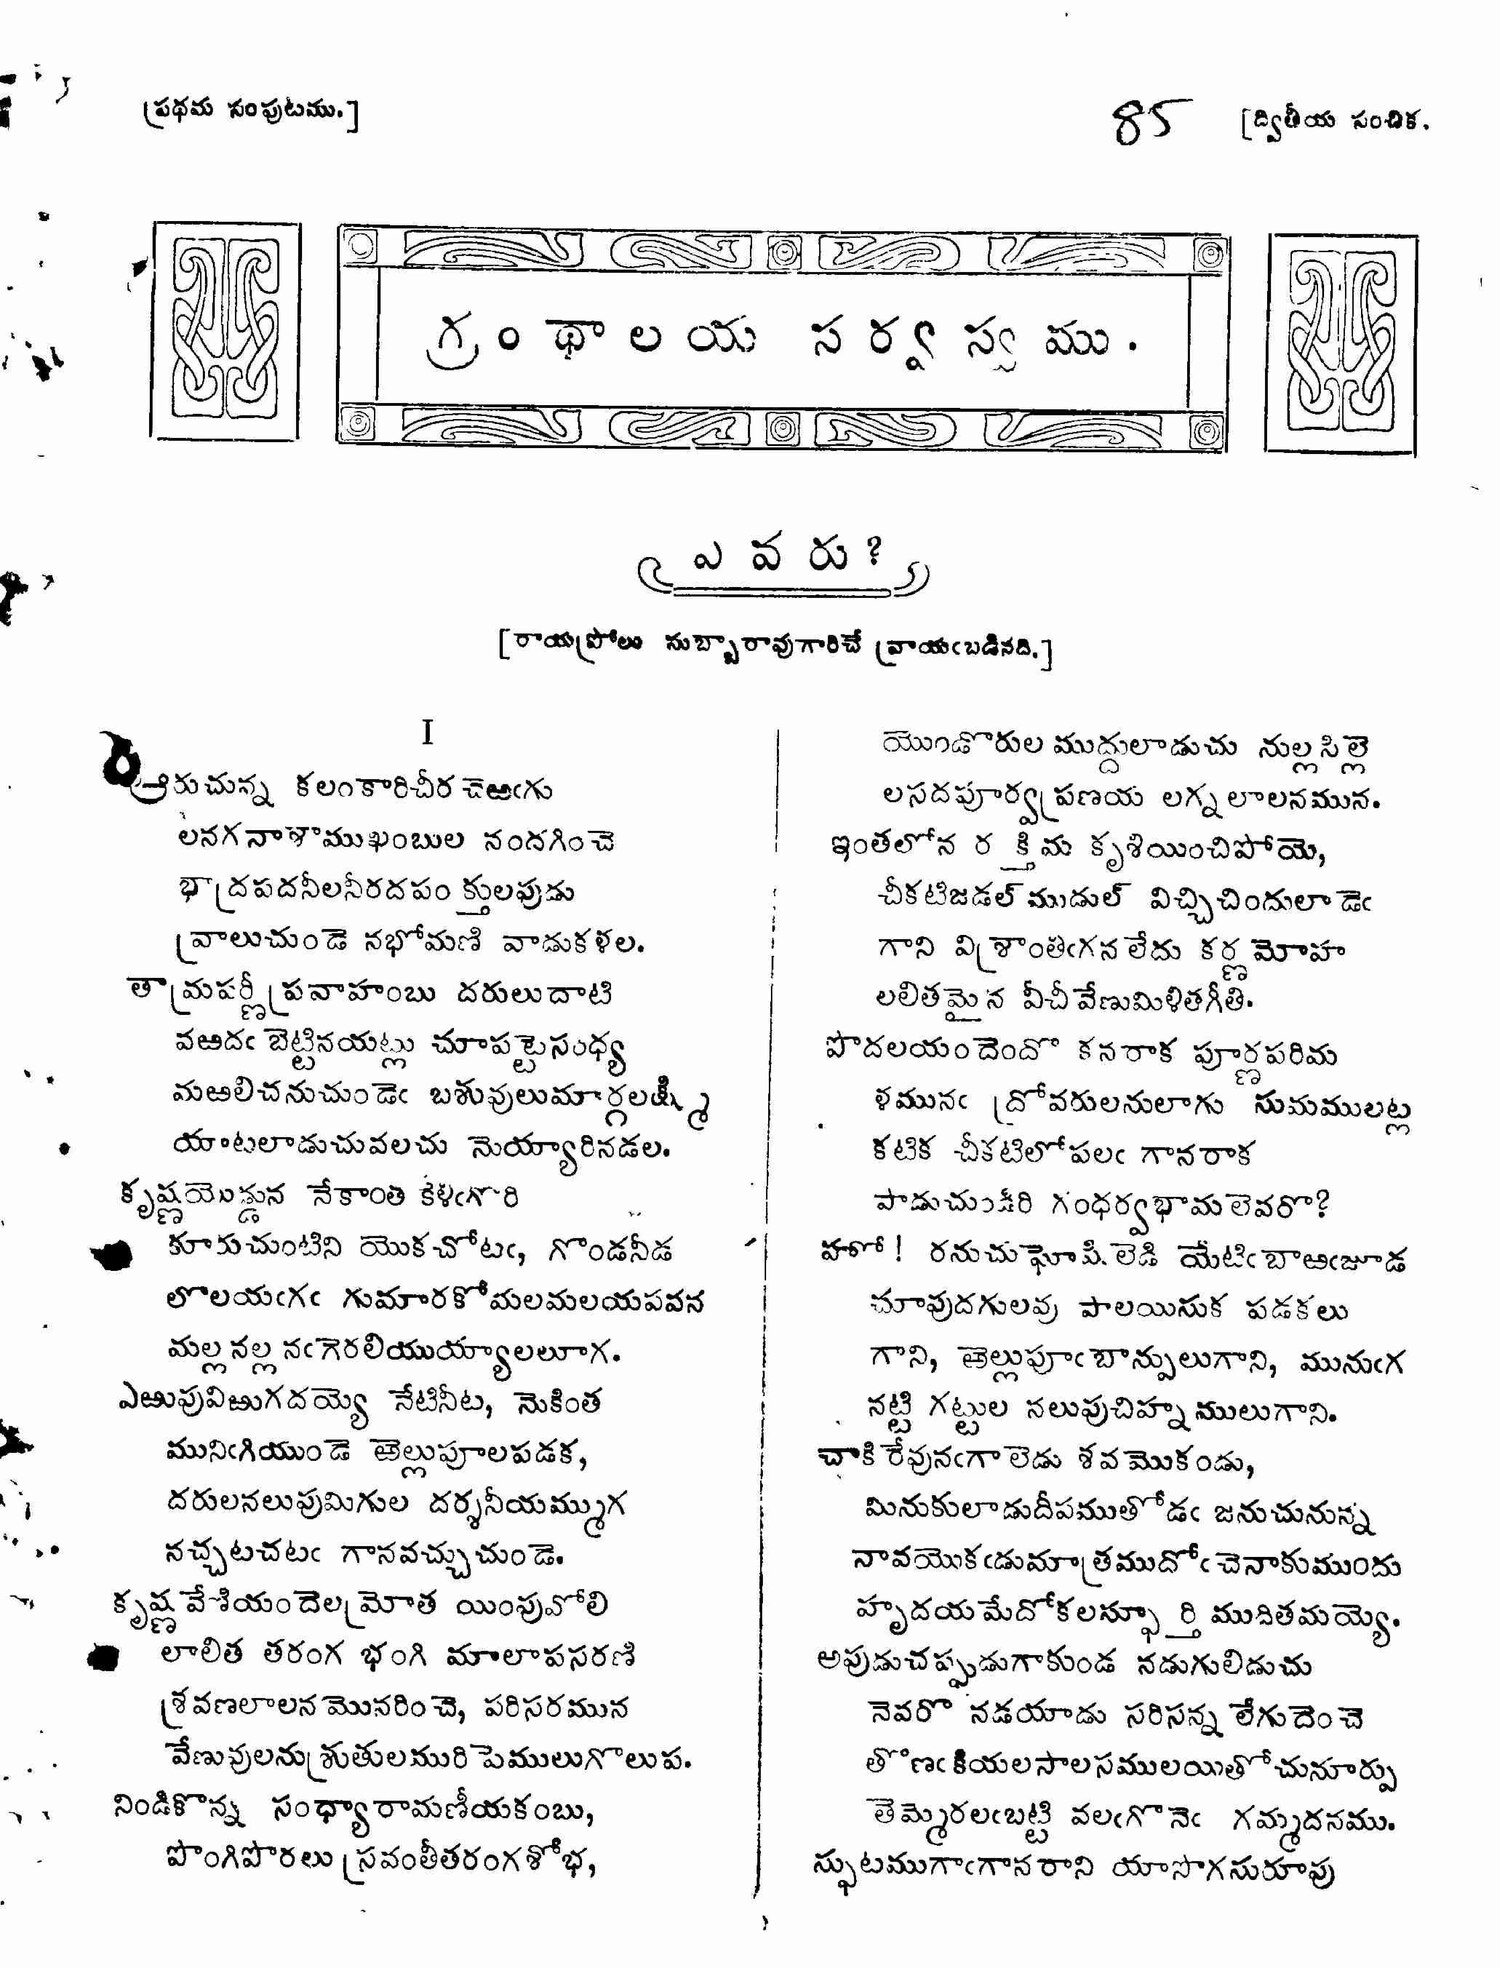ఎవరు?

ఆరుచున్న కలంకారిచీర చెఱఁగు
లనగ నాశాముఖంబుల నందగించె
భాద్రపదనీలనీరదపంక్తులపుడు
వ్రాలుచుండె నభోమణి వాడుకళల.

తామ్రపర్ణి ప్రవాహంబు దరులుదాటి
వఱదఁ బెట్టినయట్లు చూపసంధ్య
మఱలిచనుచుండెఁ బశువులు మార్గలక్ష్మి
యాటలాడుచువలచు నెయ్యారినడల.

కృష్ణయొడ్డున నేకాంతి కేళిఁగొరి
కూరుచుంటిని యొక చోటఁ, గొండనీడ
లొలయఁగఁ గుమారకోమలమలయపవన
మల్ల నల్లనఁగెరలియుయ్యాలలూగ.

ఎఱుపువిఱుగదయ్యె నేటినీట, మెకింత
మునిఁగియుండె జెల్లు పూలపడక,
దరులనలుపుమిగులు దర్శనీయమ్ముగ
నచ్చటచటఁ గానవచ్చుచుండె.

కృష్ణ వేణియందెల మ్రోత యింపువోలి
లాలిత తరంగ భంగి మాలాపసరణి
శ్రవణలాలన మొనరించె, పరిసరమున
వేణువులనుశ్రుతులమురి పెములుగొలుప.

నిండికొన్న సంధ్యా రామణీయకంబు
పొంగిపొరలు స్రవంతీతరంగ శోభ,
యొండొరుల ముద్దులాడుచు నుల్లసిల్లె
లసదపూర్వ ప్రణయ లగ్నలాలనమున.

ఇంతలోన రక్తిమ కృశియించిపోయె,
చీకటిజడల్ ముడుల్ విచ్చిచిందులాడెఁ
గాని విశ్రాంతిఁగన లేదు కర్ల మోహ
లలితమైన వీచీ వేణుమిళితగీతి.

పొదలయందెందొ కనరాక పూర్ణపరిమ
ళమునఁ ద్రోవరులనులాగు సుమములట్ల
కటిక చీకటిలో పలఁ గానరాక
పాడుచుండిరి గంధర్వభామలెవరొ?

హో! రనుచుఘోషి లెడి యేటిఁబాఱఁజూడ
చూపుదగులవు పాలయిసుక పడకలు
గాని, ఱెల్లుపూఁబాన్సులుగాని, మునుఁగ
నట్టి గట్టుల నలుపుచిహ్నములుగాని.

చాకిరేవునఁగాలెడు శవమొకండు,
మినుకులాడుదీపముతోడఁ జనుచునున్న
నావయొకఁడుమాత్రముదోఁచెనాకుముందు
హృదయమేదోకలస్ఫూర్తి ముదితమయ్యె.

అపుడు చప్పుడుగాకుండ నడుగులిడుచు
నెవరొ నడయాడు సరిసన్న లేగుదెంచె
తొణఁకియలసాలసములయితోచునూర్పు
తెమ్మెరలఁబట్టి వలఁగొనెఁ గమ్మదనము.

స్ఫుటముగాఁగానరాని యాసొగసురూపు